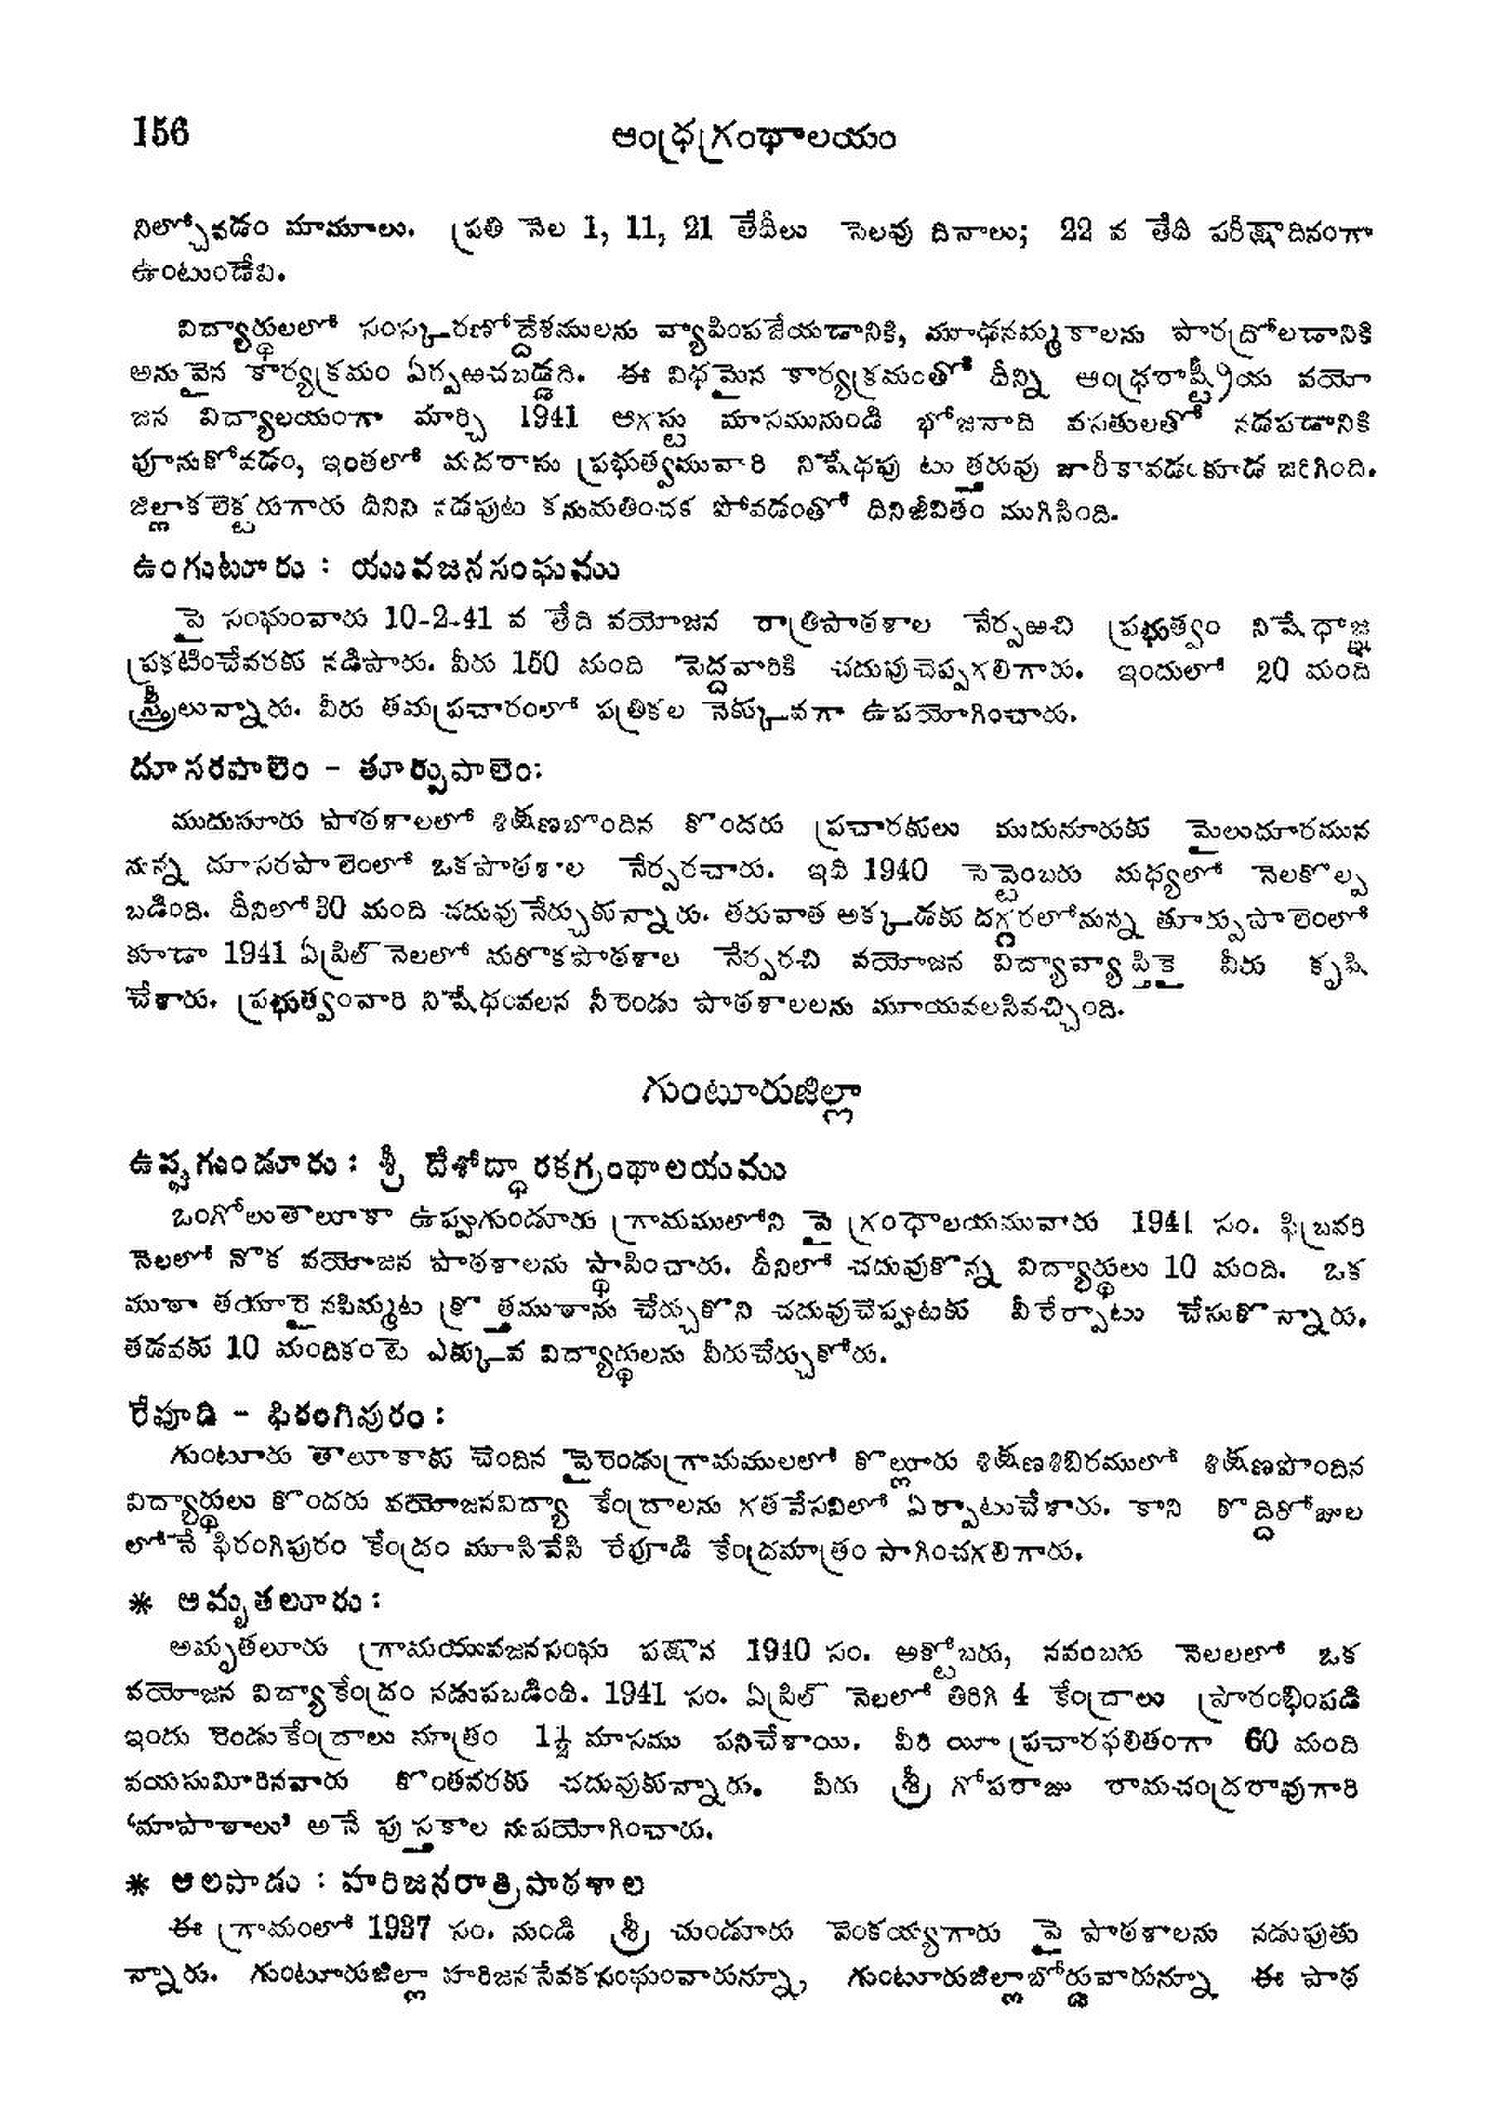నిల్చోవడం మామూలు, ప్రతి నెల 1, 11, 21 తేదీలు సెలవు దినాలు; 22 వ తేదీ పరీక్షాదినంగా ఉంటుండేవి.

విద్యార్థులలో సంస్కరణోదేశములను వ్యాపింపజేయడానికి, మూఢనమ్మకాలను పారద్రోలడానికి అనువైన కార్యక్రమం 
ఏర్పఱచబడ్డది. ఈ విధమైన కార్యక్రమంతో దీన్ని ఆంధ్రరాష్ట్రీయ వయోజన విద్యాలయంగా మార్చి 1941 ఆగస్టు మాసమునుండి 
భోజనాది వసతులతో నడపడానికి పూనుకోవడం, ఇంతలో మదరాసు ప్రభుత్వమువారి నిషేధపు టుత్తరువు జారీ కావడఁకూడ 
జరిగింది. జిల్లాకలెక్టర్ గారు దీనిని నడపుట కనుమతించక పోవడంతో దీనిజీవితం ముగిసింది.

ఉంగుటూరు : యువజన సంఘము

పై సంఘంవారు 10-2-41 వ తేది వయోజన రాత్రిపాఠశాల నేర్పఱచి ప్రభుత్వం నిషేధాజ్ఞ ప్రకటించేవరకు నడిపారు. వీరు 
150 మంది పెద్దవారికి చదువు చెప్పగలిగారు. ఇందులో 20 మంది స్త్రీలున్నారు. వీరు తమ ప్రచారంలో పత్రికల నెక్కువగా ఉపయోగించారు.

దూసరపాలెం తూర్పుపాలెం:

ముదుసూరు పాఠశాలలో శిక్షణబొందిన కొందరు ప్రచారకులు ముదునూరుకు మైలు దూరమున నున్న దూసరపాలెంలో 
ఒకపాఠశాల నేర్పరచారు. ఇది 1940 సెప్టెంబరు మధ్యలో నెలకొల్పబడింది. దీనిలో 30 మంది చదువు నేర్చుకున్నారు. 
తరువాత అక్కడకు దగ్గరలోనున్న తూర్పుపాలెంలో కూడా 1941 ఏప్రిల్ నెలలో మరొక పాఠశాల నేర్పరచి వయోజన 
విద్యావ్యాప్తికై వీరు కృషి చేశారు. ప్రభుత్వం వారి నిషేధంవలన నీరెండు పాఠశాలలను మూయవలసివచ్చింది.

ఉప్పగుండూరు : శ్రీ దేశోద్ధారక గ్రంథాలయము

ఒంగోలు తాలూకా ఉప్పుగుండూరు గ్రామములోని పై గ్రంధాలయమువారు 1941 సం. ఫిబ్రవరి నెలలో నొక వయోజన పాఠశాలను స్థాపించారు. దీనిలో చదువుకొన్న విద్యార్థులు 10 మంది. ఒక ముఠా తయారైనపిమ్మట క్రొత్తముఠా చేర్చుకొని చదువుచెప్పుటకు 
వీరేర్పాటు చేసుకొన్నారు.తడవకు 10 మందికంటే ఎక్కువ విద్యార్థులను వీరుచేర్చుకోరు.

రేపూడి - ఫిరంగిపురం:

గుంటూరు తాలూకాకు చెందిన పైరెండుగ్రామములలో కొల్లూరు శిక్షణ శిబిరములో శిక్షణ పొందిన విద్యార్థులు కొందరు 
వయోజనవిద్యా కేంద్రాలను గత వేసవిలో ఏర్పాటుచేశారు. కాని కొద్దీరోజులలోనే ఫిరంగిపురం కేంద్రం మూసివేసి రేపూడి 
కేంద్రమాత్రం సాగించగలిగారు.

* అమృతలూరు:

అమృతలూరు గ్రామ యువజన సంఘం పక్షాన 1910 సం. అక్టోబరు, నవంబరు నెలలలో ఒక వయోజన విద్యాకేంద్రం 
నడుపబడింది. 1941 సం. ఏప్రిల్ నెలలో తిరిగి 4 కేంద్రాలు ప్రారంభింపడి ఇందు రెండు కేంద్రాలు మాత్రం 1 1/2 
మాసము పనిచేశాయి. వీరి యీ ప్రచారఫలితంగా 60 మంది వయసు మీరినవారు కొంతవరకు చదువుకున్నారు. 
వీరు శ్రీ గోపరాజు రామచంద్రరావుగారి 'మాపాఠాలు' అనే పుస్తకాల నుపయోగించారు.

* ఆలపాడు : హరిజనరాత్రి పాఠశాల

ఈ గ్రామంలో 1937 సం. నుండి శ్రీ చుండూరు వెంకయ్యగారు పై పాఠశాలను నడుపుతున్నారు. గుంటూరుజిల్లా హరిజనసేవక సంఘంవారున్నూ, గుంటూరు జిల్లా బోర్డువారున్నూ ఈ పాఠ